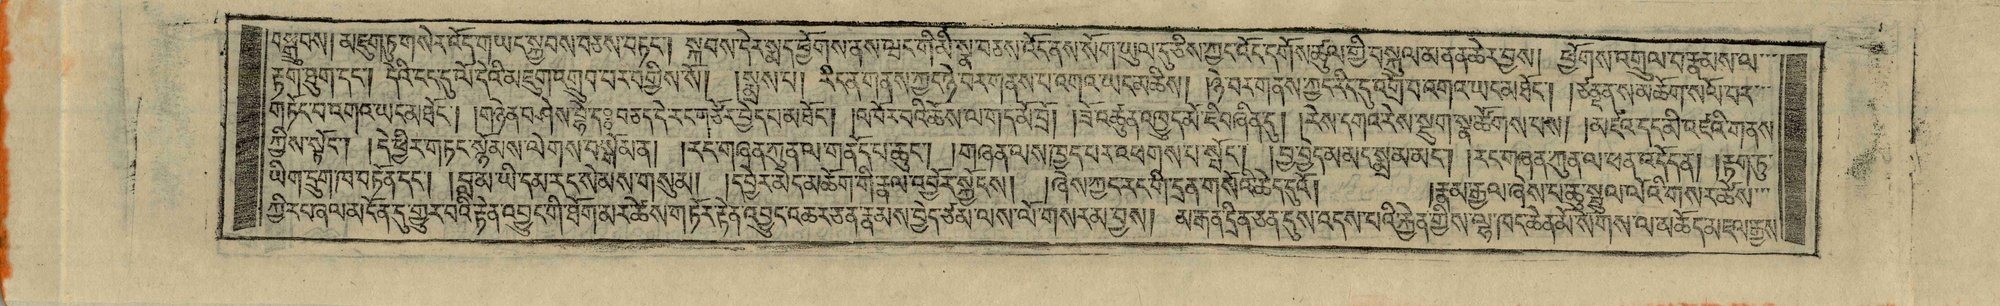བསྒྲུབས། མཇུག་ཏུ་གསེར་འོད་གཡང་སྐྱབས་བཅས་བཏང་། སྐབས་དེར་སྨད་ཕྱོགས་ནས་ཝང་གི་མི་སྣ་བཅས་འོང་ནས་སོག་ཡུལ་དུ་ཅིས་ཀྱང་འོང་དགོས་ཚུལ་གྱི་བསྐུལ་མ་ནན་ཆེར་བྱས། ཕྱོགས་འགྲུལ་བ་རྣམས་ལ་
རྟག་ཐུག་དང་། དེའི་ངང་དུ་ལོ་དེའི་མཇུག་འགྲུབ་པར་བགྱིས་སོ། །སྨྲས་པ། རིང་ན་གནས་ཀྱང་ཉེ་བར་གནས་པ་འགའ་ཡང་མཆིས། །ཉེ་བར་གནས་ཀྱང་རིང་དུ་འགྲོ་བ་འགའ་ཡང་མཐོང་། །ཙནྡན་ས་མཆོག་སོལ་བར་
གཏོང་བ་འགའ་ཡང་མཐོང་། །གཉེན་བཤེས་བྷེ་དཿ བཅད་དེ་རང་གཙོར་བྱེད་པ་མཐོང་། །འཁོར་བའི་ཆོས་ལ་གད་མོ་བྲོ། །ཟོ་འཚུན་འཁྱུད་མོ་ཇི་བཞིན་དུ། །རེས་དགའ་རེས་སྡུག་སྣ་ཚོགས་པས། །མཛའ་དང་མི་འཛའི་གནས་
ཀྱིས་སྟོང་། །དེ་ཕྱིར་གཏང་སྙོམས་ལེགས་བསྒོམ་ན། །རང་གཞན་ཀུན་ལ་གནོད་པ་ཆུང་། །གཞན་ལས་ཁྱད་པར་འཕགས་པ་སྤོང་། །བྱ་བྱེད་མ་མང་སྨྲ་མ་མང་། །རང་གཞན་ཀུན་ལ་ཕན་འདོད་ན། །རྟག་ཏུ་
ཡིག་དྲུག་ཁ་བཏོན་དང་། །བླ་མ་ཡི་དམ་རང་སེམས་གསུམ། །དབྱེར་མེད་མཆོག་གི་རྣལ་འབྱོར་སྐྱོངས། །ཞེས་ཀྱང་རང་གི་དྲན་གསོའི་ཆེད་དུའོ། །རྣམ་རྒྱལ་ཞེས་པ་ཆུ་སྦྲུལ་ལོའི་གསར་ཚེས་
ཀྱི་རང་ཞལ་མངོན་དུ་གྱུར་བའི་རྟེན་འབྱུང་གི་ཐོག་མར་ཚེས་གཏོར་རྟེན་འབྱུང་འཆར་ཅན་རྣམས་བྱེད་ཙམ་ལས་ལོ་གསར་མ་བྱས། མ་རྒན་དྲིན་ཅན་དུས་འདས་པའི་རྐྱེན་གྱིས་ལྷ་ཁང་ཆེན་མོ་སོགས་ལ་མཆོད་མཇལ་རྒྱས་